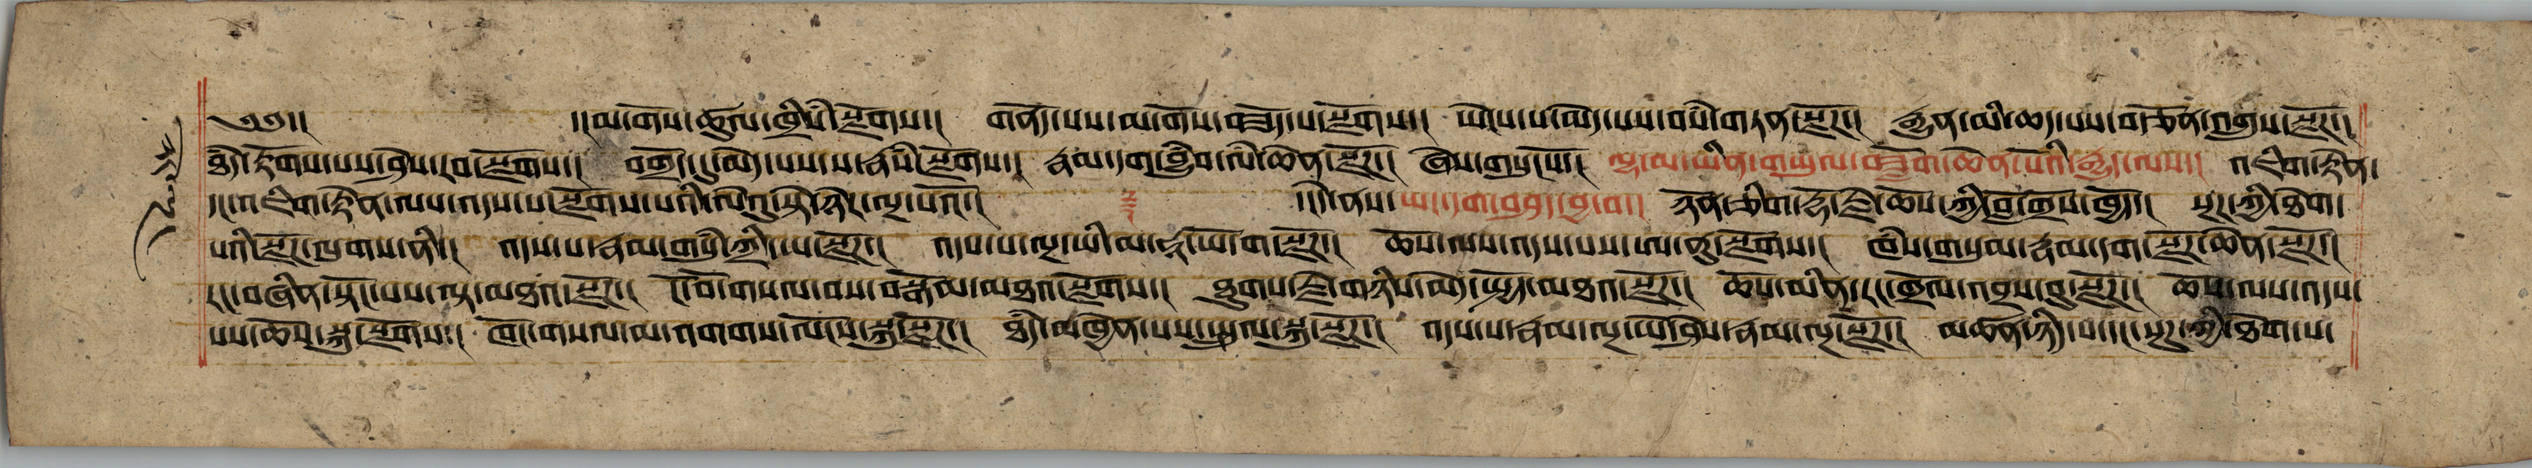༄༅་། ་།མ་གོས་ཚུལ་ཁྲིཾས་སྫོགས་། གནོད་པས་མ་གོས་བཟོད་པ་སྫོགས་། ཡེངས་པ་མེད་པས་བསཾ་གཏན་སྫོཌ་། རྒྱུན་མི་ཆད་པས་བརྩོན་འགྲུས་སྫོཌ་།
ཐཾད་རྟོགས་པས་ཤེས་རབ་སྫོགས་། བགྲོད་དུ་མེད་པས་ས་རྣཾས་སྫོགས་། རྣམ་དག་བྱུཾབ་ལཾ་ཆེན་སྫོཌ་། ཞེས་གསུངསོ་། ལྷ་མ་ཡིན་གཡུལ་བཟློག་ཆེན་པོའི་རྒྱུད་ལས་། འཇིག་རྟེན་
དང་འཇིག་རྟེན་ལས་འདས་པ་སྫོགས་པའི་ལེའུ་སྟེ་ཉེར་ལྔ་པའོ་། ༈ ་།དེ་ནས་ཡང་དག་བཤད་བྱ་བ་། ཉོན་ཅིག་རྡོ་རྗེ་ཆོས་ཀྱི་བློ་གྲོས་ཁྱོད་། སྔཌ་ཀྱི་ཐེག་
པའི་སྫོཌ་ལུགས་ནི་། འདས་པ་རྣམ་གསུཾ་ཀྲི་ཡ་སྫོཌ་། འདས་པ་ལྔ་ཡི་མ་ཧཱ་ཡོ་ག་སྫོཌ་། ཆོས་ལས་འདས་པས་ཨ་ནུ་སྫོགས་། ཁཾས་གསུམ་རྣམམ་དག་སྫོཌ་ཆེན་སྫོཌ་།
རང་བཞིན་སྟོང་པས་ལྟ་མཐའ་སྫོཌ་། ངོ་བོ་གསལ་བས་བསྒོམ་མཐའ་སྫོགས་། ཐུགས་རྗེ་གཉིས་མེད་སྤྱོད་མཐའ་སྫོཌ་། ཆོས་མིན་རང་གྲོལ་འབྲས་བུ་སྫོཌ་། ཆཽས་ལས་འདས་
པས་ཆོས་སྐུ་སྫོགས་། ཁོང་གསལ་མ་འགགས་ལོངས་སྐུ་སྫོཌ་། ཐཾད་མཁྱེན་པས་སྤྲུལ་སྐུ་སྫོཌ་། འདས་པ་རྣམ་ལྔ་ཡེ་ཤེས་རྣམ་ལྔ་སྫོཌ་། མཚན་ཉིད་པ་དང་སྔཌ་ཀྱི་ཐེག་པ་